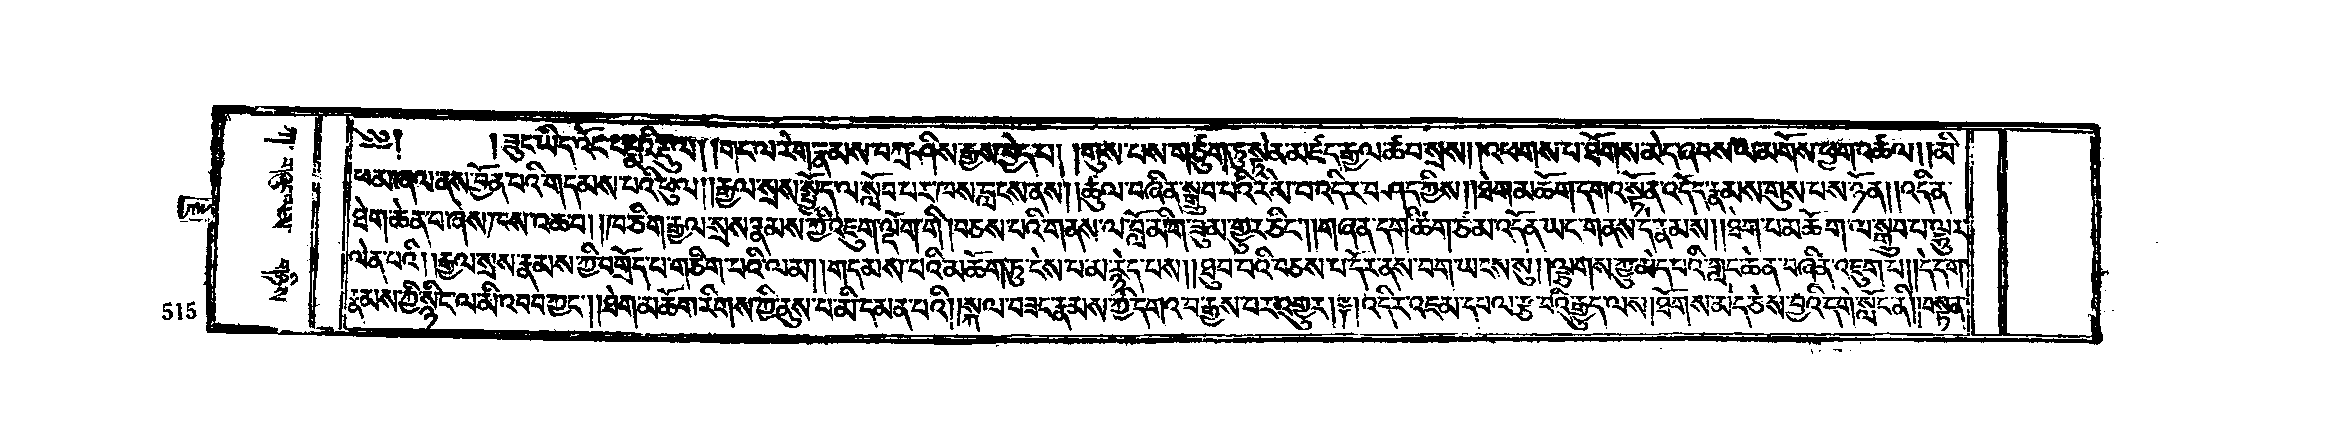༄༅། །ཟུང་ཡིད་འོང་པདམའི་རྡུལ། །གང་ལ་རེག་རྣམས་བཀྲ་ཤིས་རྒྱས་བྱེད་པ། །གུས་པས་གཙུག་ཏུ་སྟེན་མཛད་རྒྱལ་ཚབ་སྲས། །འཕགས་པ་ཐོགས་མེད་ཞབས་ལ་མགོས་ཕྱག་འཚལ། །མི་
ཕམ་ཞལ་ནས་བྱོན་པའི་གདམས་པའི་ཕུལ། །རྒྱལ་སྲས་སྤྱོད་ལ་སློབ་པར་ཁས་བླངས་ནས། །ཚུལ་བཞིན་སྒྲུབ་པའི་རིམ་པ་འདིར་བཤད་ཀྱིས། །ཐེག་མཆོག་དགའ་སྟོན་འདོད་རྣམས་གུས་པས་ཉོན། །འདི་ན་
ཐེག་ཆེན་པ་ཞེས་ཁས་འཆེ་བ། །ཁ་ཅིག་རྒྱལ་སྲས་རྣམས་ཀྱི་འཇུག་ལྡོག་གི །བཅས་པའི་གནས་ལ་བློ་མིག་ཟུམ་གྱུར་ཅིང་། །གཞན་དག་ཚིག་ཙམ་འདོན་ཡང་གནས་དེ་རྣམས། །ཐེག་པ་མཆོག་ལ་སྒྲུབ་པ་ལྷུར་
ལེན་པའི། །རྒྱལ་སྲས་རྣམས་ཀྱི་བགྲོད་པ་གཅིག་པའི་ལམ། །གདམས་པའི་མཆོག་ཏུ་ངེས་པ་མ་རྙེད་པས། །ཐུབ་པའི་བཅས་པ་དོར་ནས་བག་ཡངས་སུ། །ལྕགས་ཀྱུ་མེད་པའི་གླང་ཆེན་བཞིན་འཇུག་པ། །དེ་དག་
རྣམས་ཀྱི་སྙིང་ལ་མི་འབབ་ཀྱང་། །ཐེག་མཆོག་རིགས་ཀྱི་ནུས་པ་མི་དམན་པའི། །སྐལ་བཟང་རྣམས་ཀྱི་དགའ་བ་རྒྱས་པར་འགྱུར། ༈ །འདིར་འཇམ་དཔལ་རྩ་བའི་རྒྱུད་ལས། ཐོགས་མེད་ཅེས་བྱའི་དགེ་སློང་ནི། །བསྟན་